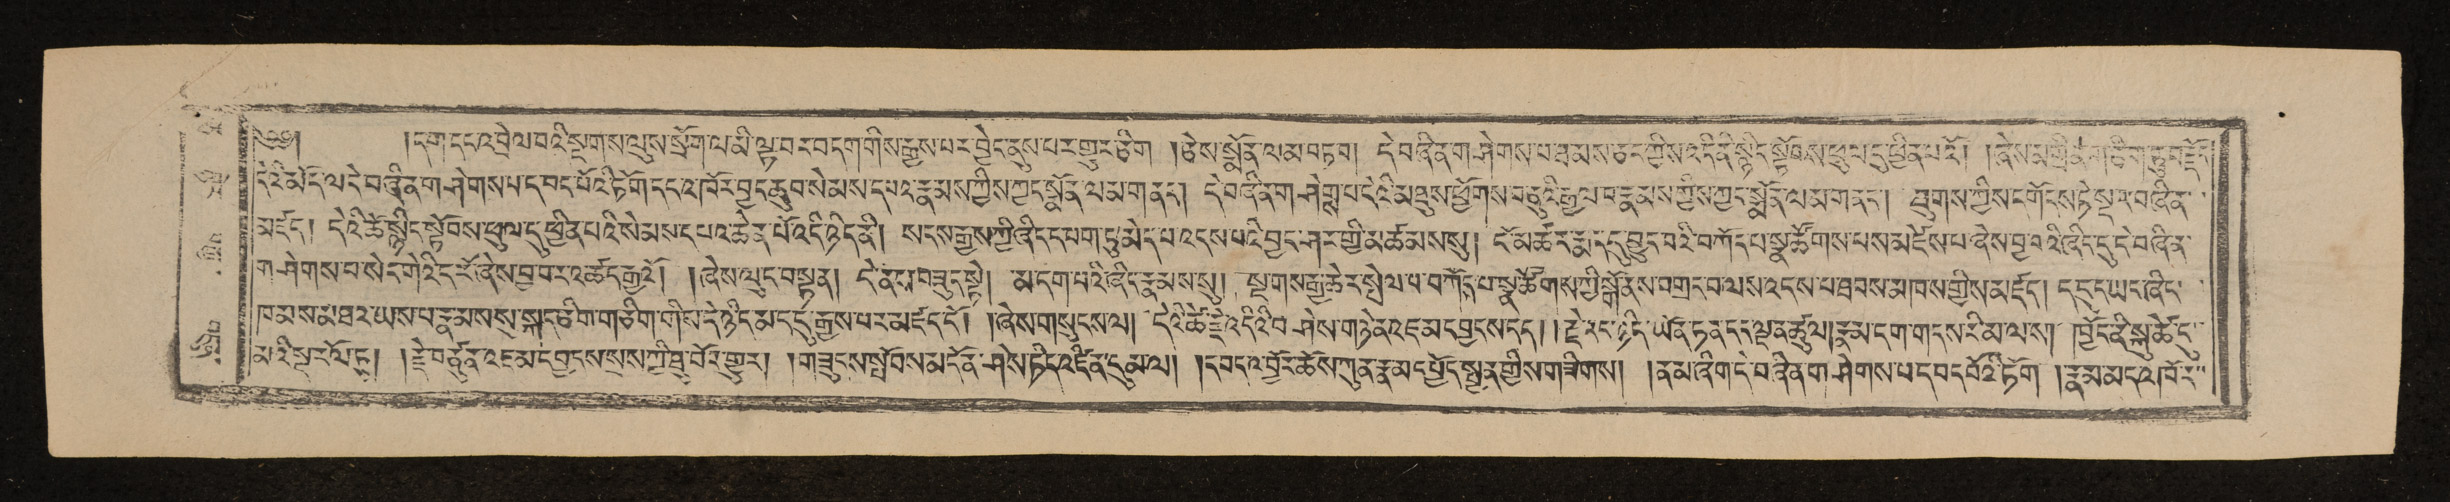༄༅། །དག་དང་འབྲེལ་བའི་སྔགས་ལུས་སྲོག་ལ་མི་ལྟ་བར་བདག་གིས་རྒྱས་པར་བྱེད་ནུས་པར་གྱུར་ཅིག །ཅེས་སྨོན་ལམ་བཏབ། དེ་བཞིན་གཤེགས་པ་ཐམས་ཅད་ཀྱིས་འདི་ནི་སྙིང་སྟོབས་ཕུལ་དུ་ཕྱིན་པའོ། །ཞེས་མགྲིན་གཅིག་ཏུ་བརྗོད་
དེའི་མོད་ལ་དེ་བཞིན་གཤེགས་པ་དབང་པོའི་ཏོག་དང་འཁོར་བྱང་ཆུབ་སེམས་དཔའ་རྣམས་ཀྱིས་ཀྱང་སྨོན་ལམ་གནང་། དེ་བཞིན་གཤེགས་པ་དེའི་མཐུས་ཕྱོགས་བཅུའི་རྒྱལ་བ་རྣམས་ཀྱིས་ཀྱང་སྨོན་ལམ་གནང་། ཐུགས་ཀྱིས་དགོངས་ཏེ་སྔར་བཞིན་
མཛད། དེའི་ཚེ་སྙིང་སྟོབས་ཕུལ་དུ་ཕྱིན་པའི་སེམས་དཔའ་ཆེན་པོ་འདི་ཉིད་ནི། སངས་རྒྱས་ཀྱི་ཞིང་དཔག་ཏུ་མེད་པ་འདས་པའི་བྱང་ཤར་གྱི་མཚམས་སུ། ངོ་མཚར་རྨད་དུ་བྱུང་བའི་བཀོད་པ་སྣ་ཚོགས་པས་མཛེས་པ་ཞེས་བྱ་བའི་ཞིང་དུ་དེ་བཞིན་
གཤེགས་པ་སེང་གེའི་ང་རོ་ཞེས་བྱ་བར་འཚང་རྒྱའོ། །ཞེས་ལུང་བསྟན། དེ་ནས་བཟུང་སྟེ། མ་དག་པའི་ཞིང་རྣམས་སུ། སྔགས་རྒྱ་ཆེར་སྤེལ་བ་བཀོད་པ་སྣ་ཚོགས་ཀྱི་སྒོ་ནས་བགྲང་བ་ལས་འདས་པ་ཐབས་མཁས་ཀྱིས་མཛད། ད་དུང་ཡང་ཞིང་
ཁམས་མཐའ་ཡས་པ་རྣམས་སུ་སྐད་ཅིག་གཅིག་གིས་དེ་ཉིད་མང་དུ་རྒྱས་པར་མཛད་དོ། །ཞེས་གསུངས་ལ། དེའི་ཚེ་རྗེ་འདིའི་བཤེས་གཉེན་འཇམ་དབྱངས་དང་། རྗེ་རང་ཉིད་ཡོན་ཏན་དང་ལྡན་ཚུལ། རྣམ་དག་གངས་རི་མ་ལས། ཁྱོད་ནི་སྐུ་ཚེ་དུ་
མའི་སྔ་རོལ་ཏུ། །རྗེ་བཙུན་འཇམ་དབྱངས་སྲས་ཀྱི་ཐུ་བོར་གྱུར། །གཟུངས་སྤོབས་མངོན་ཤེས་ཏིང་འཛིན་དུ་མ་ལ། །དབང་འབྱོར་ཆོས་ཀུན་རྣམ་དཔྱོད་སྤྱན་གྱིས་གཟིགས། །ནམ་ཞིག་དེ་བཞིན་གཤེགས་པ་དབང་པོའི་ཏོག །རྣམ་མང་འཁོར་